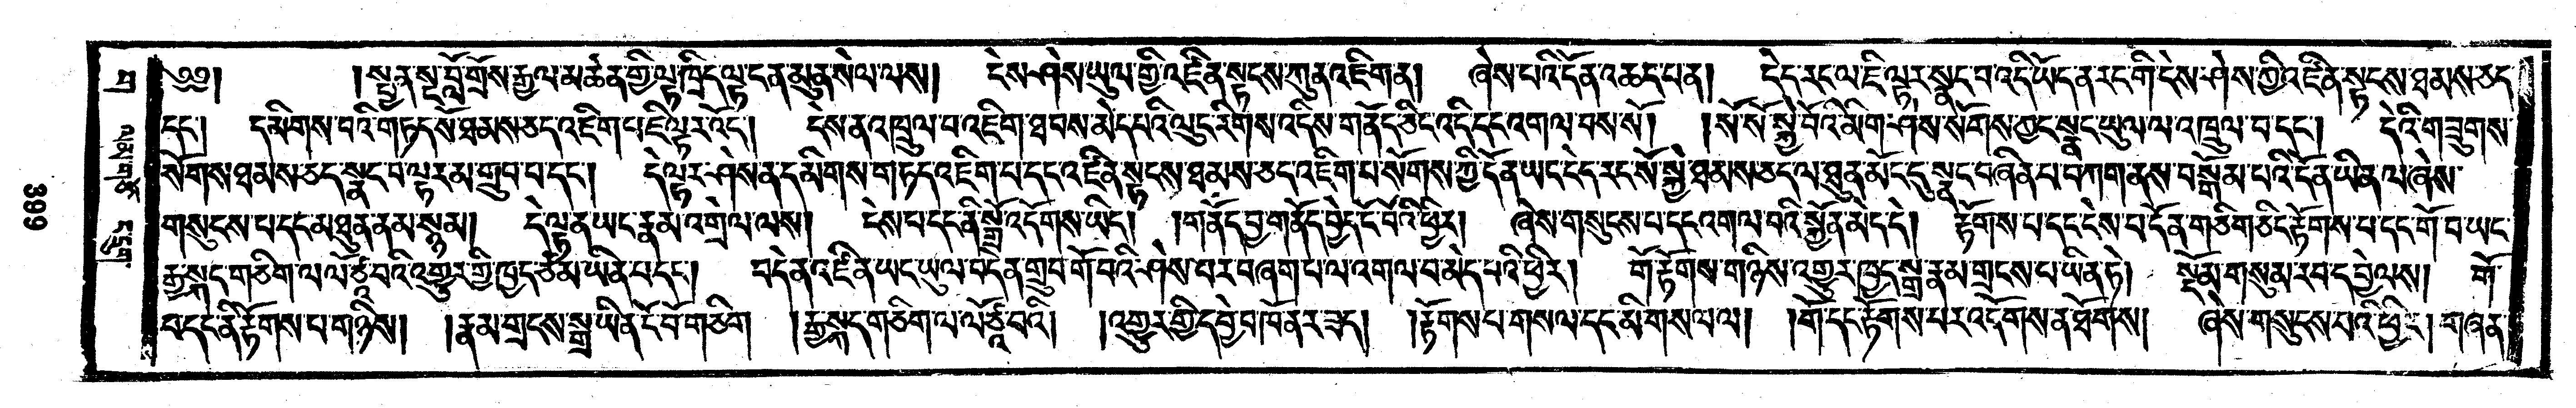༄༅། །སྤྱན་སྔ་བློ་གྲོས་རྒྱལ་མཚན་གྱི་ལྟ་ཁྲིད་ལྟ་ངན་མུན་སེལ་ལས། ངེས་ཤེས་ཡུལ་གྱི་འཛིན་སྟངས་ཀུན་འཇིག་ན། ཞེས་པའི་དོན་འཆད་པ་ན། ངེད་རང་ལ་ཇི་ལྟར་སྣང་བ་འདི་ཡོད་ན་རང་གིས་ངེས་ཤེས་ཀྱི་འཛིན་སྟངས་ཐམས་ཅད་
དང་། དམིགས་པའི་གཏད་སོ་ཐམས་ཅད་འཇིག་པ་ཇི་ལྟར་འོད། དེས་ན་འཁྲུལ་པ་འཇིག་ཐབས་མེད་པའི་ལུང་རིགས་འདིས་གནོད་ཅིང་འདི་དང་འགལ་བས་སོ། །སོ་སོ་སྐྱེ་བའི་མིག་ཤེས་སོགས་ཀྱང་སྣང་ཡུལ་ལ་འཁྲུལ་པ་དང་། དེའི་གཟུགས་
སོགས་ཐམས་ཅད་སྣང་བ་ལྟར་མ་གྲུབ་པ་དང་། དེ་ལྟར་ཤེས་ན་དམིགས་གཏད་འཇིག་པ་དང་འཛིན་སྟངས་ཐམས་ཅད་འཇིག་པ་སོགས་ཀྱི་དོན་ཡང་ངེད་རང་སོ་སྐྱེ་ཐམས་ཅད་ལ་ཐུན་མོང་དུ་སྣང་བཞིན་པ་བཀག་ནས་བསྒོམ་པའི་དོན་ཡིན་ལ་ཞེས་
གསུངས་པ་དང་མཐུན་ནམ་སྙམ། དེ་ལྟ་ན་ཡང་རྣམ་འགྲེལ་ལས། ངེས་པ་དང་ནི་སྒྲོ་འདོགས་ཡིད། །གནོད་བྱ་གནོད་བྱེད་ངོ་བོའི་ཕྱིར། ཞེས་གསུངས་པ་དང་འགལ་བའི་སྐྱོན་མེད་དེ། རྟོགས་པ་དང་ངེས་པ་དོན་གཅིག་ཅིང་རྟོགས་པ་དང་གོ་བ་ཡང་
རྒྱ་སྐད་གཅིག་ལ་ལོ་ཙཱ་བའི་འགྱུར་གྱི་ཁྱད་ཙམ་ཡིན་པ་དང་། བདེན་འཛིན་ཡང་ཡུལ་བདེན་གྲུབ་གོ་བའི་ཤེས་བར་བཞག་པ་ལ་འགལ་བ་མེད་པའི་ཕྱིར། གོ་རྟོགས་གཉིས་འགྱུར་ཁྱད་སྒྲ་རྣམ་གྲངས་པ་ཡིན་ཏེ། སྡོམ་གསུམ་རབ་དབྱེ་ལས། གོ་
བ་དང་ནི་རྟོགས་པ་གཉིས། །རྣམ་གྲངས་སྒྲ་ཡིན་ངོ་བོ་གཅིག །རྒྱ་སྐད་གཅིག་ལ་ལོ་ཙཱ་བའི། །འགྱུར་གྱི་དབྱེ་བ་ཁོ་ནར་ཟད། །རྟོགས་པ་གསལ་དང་མི་གསལ་ལ། །གོ་དང་རྟོགས་པར་འདོགས་ན་ཐོགས། ཞེས་གསུངས་པའི་ཕྱིར། གཞན་